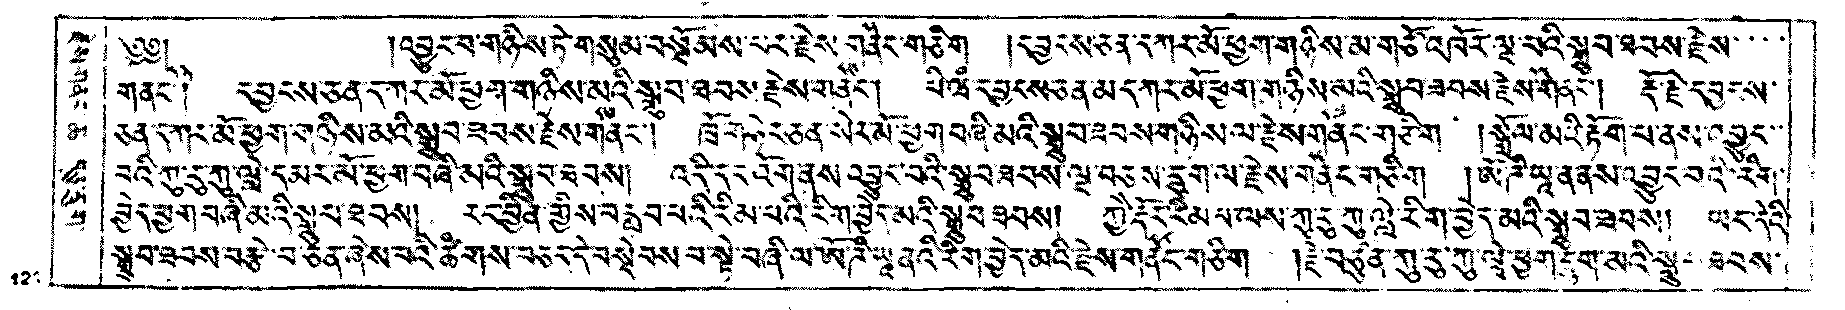༄༅། །འབྱུང་བ་གཉིས་ཏེ་གསུམ་བསྡོམས་པར་རྗེས་གནང ༨༢་གཅིག །དབྱངས་ཅན་དཀར་མོ་ཕྱག་གཉིས་མ་གཙོ་འཁོར་ལྔ་པའི་སྒྲུབ་ཐབས་རྗེས་
གནང ༨༣། དབྱངས་ཅན་དཀར་མོ་ཕྱག་གཉིས་མའི་སྒྲུབ་ཐབས་རྗེས་གནང ༨༤། པི་ཝཾ་དབྱངས་ཅན་མ་དཀར་མོ་ཕྱག་གཉིས་མའི་སྒྲུབ་ཐབས་རྗེས་གནང ༨༥། རྡོ་རྗེ་དབྱངས་
ཅན་དཀར་མོ་ཕྱག་གཉིས་མའི་སྒྲུབ་ཐབས་རྗེས་གནང ༨༦། ཁྲོ་གཉེར་ཅན་སེར་མོ་ཕྱག་བཞི་མའི་སྒྲུབ་ཐབས་གཉིས་ལ་རྗེས་གནང ༨༧་གཅིག །སྒྲོལ་མའི་རྟོག་པ་ནས་འབྱུང་
བའི་ཀུ་རུ་ཀུ་ལླེ་དམར་མོ་ཕྱག་བཞི་མའི་སྒྲུབ་ཐབས། འདི་དང་འོག་ནས་འབྱུང་བའི་སྒྲུབ་ཐབས་ལྔ་བཅས་དྲུག་ལ་རྗེས་གནང ༨༨་གཅིག །ཨོ་ཌི་ཡཱ་ན་ནས་འབྱུང་བའི་རིག་
བྱེད་ཕྱག་བཞི་མའི་སྒྲུབ་ཐབས། རང་བྱིན་གྱིས་བརླབ་པའི་རིམ་པའི་རིག་བྱེད་མའི་སྒྲུབ་ཐབས། ཀྱཻ་རྡོར་རིམ་པ་ལས་ཀུ་རུ་ཀུ་ལླེ་རིག་བྱེད་མའི་སྒྲུབ་ཐབས། ཡང་དེའི་
སྒྲུབ་ཐབས་བརྩེ་བ་ཅན་ཞེས་པའི་ཚིགས་བཅད་དེ་བསྡེབས་པ་སྟེ་བཞི་ལ་ཨོ་ཌི་ཡཱ་ནའི་རིག་བྱེད་མའི་རྗེས་གནང ༨༩་གཅིག །རྗེ་བཙུན་ཀུ་རུ་ཀུ་ལླེ་ཕྱག་དྲུག་མའི་སྒྲུབ་ཐབས་